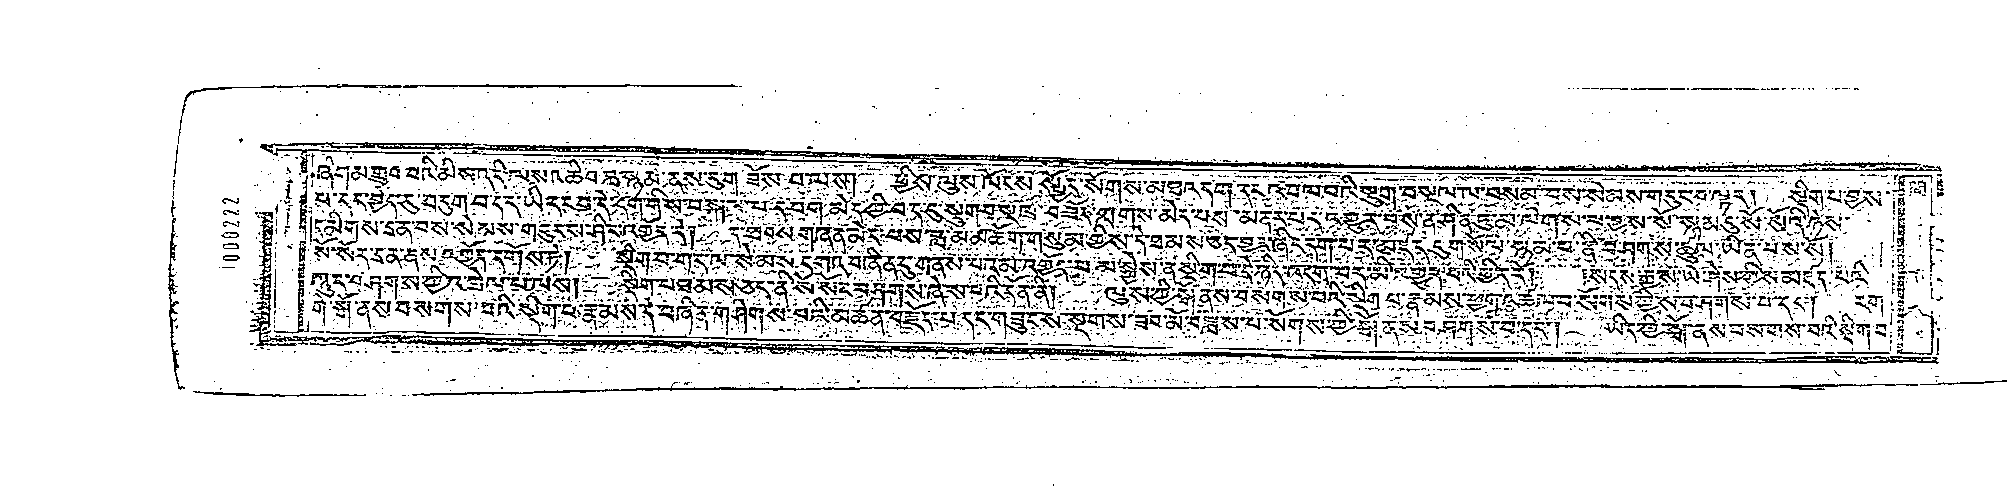ཞིག་མ་གྲུབ་བའི་མིས་འདི་ལས་འཆི་བ་བླ་སྙམ་ནས་དུག་ཟོས་པ་ལས། ཕྱིས་ལུས་ལོངས་སྤྱོད་སོགས་མཐའ་དག་དང་འབལ་བའི་སྡུག་བསྔལ་ལ་བསམ་པས་སེམས་གདུང་བ་ལྟར། སྡིག་པ་བྱས་
པ་དང་བྱེད་དུ་བདུག་བ་དང་ཡི་རང་བ་དེ་དག་གིས་བསྐལ་པ་དཔག་མེད་ཀྱི་བར་དུ་སྡུག་བསྔལ་བཟོད་གླགས་མེད་པས་མནར་པར་འགྱུར་བས་ན་ཤིན་ཏུ་མ་ལེགས་པ་བྱས་སོ་སྙམ་དུ་སོ་སོའི་ཉེས་
དམིགས་དྲན་བས་སེམས་གདུངས་ཤིང་འགྱོད་དེ། ད་ཐབས་ཞན་མེད་པས་བླ་མ་མཆོག་གསུམ་གྱི་དེ་ཐམས་ཅད་བྱང་ཞིང་དག་པར་མཛད་དུ་གསོལ་སྙམ་པ་ནི་བཤགས་ཚུལ་ཡིན་པས་སོ། །
སོ་སོར་དྲན་ནས་འགྱོད་དོགས་སྟེ། སྡིག་བ་གང་ལ་སེམས་དགའ་བཞིན་དུ་གནས་པའམ་འགྱོད་པ་མ་སྐྱེས་ན་སྡིག་པ་དེ་ཉིད་འདག་པར་མི་འགྱུར་བའི་ཕྱིར་རོ། །སངས་རྒྱས་ཡེ་ཤེས་ཀྱིས་མཛད་པའི་
ལྟུང་བཤགས་ཀྱི་འགྲེལ་པ་ལས། སྡིག་པ་ཐམས་ཅད་ནི་སོ་སོར་བཤགས་ཞེས་པའི་དོན་ནི། ལུས་ཀྱི་སྒོ་ནས་བསགས་པའི་སྡིག་པ་རྣམས་ཕྱག་འཚལ་བ་སོགས་ཀྱིས་བཤགས་པ་དང་། དག་
གི་སྒོ་ནས་བསགས་པའི་སྡིག་པ་རྣམས་དེ་བཞིན་གཤེགས་པའི་མཚན་བརྗོད་པ་དང་གཟུགས་སྔགས་ཟབ་མོ་བཟླས་པ་སོགས་ཀྱི་སྒོ་ནས་བཤགས་བ་དང་། ཡིད་ཀྱི་སྒོ་ནས་བསགས་བའི་སྡིག་བ་